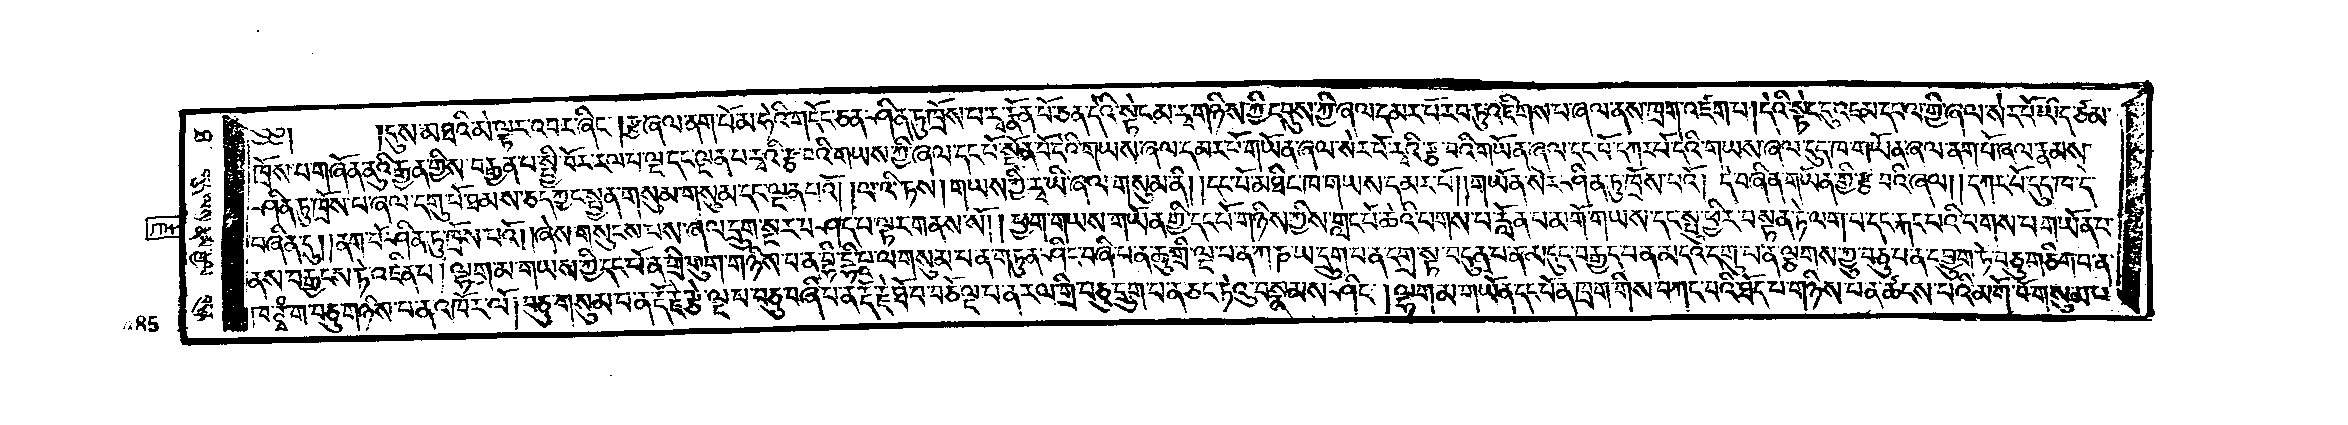༄༅། །དུས་མཐའི་མེ་ལྟར་འབར་ཞིང་། རྩ་ཞལ་ནག་པོ་མ་ཧེའི་གདོང་ཅན་ཤིན་ཏུ་ཁྲོས་པ་རྭ་རྣོན་པོ་ཅན་དེའི་སྟེང་མ་རྭ་གཉིས་ཀྱི་དབུས་ཀྱི་ཞལ་དམར་པོ་རབ་ཏུ་འཇིགས་པ་ཞལ་ནས་ཁྲག་འཛག་པ། དེའི་སྟེང་དུ་འཇམ་དཔལ་གྱི་ཞལ་སེར་པོ་ཡིད་ཙམ་
ཁྲོས་པ་གཞོན་ནུའི་རྒྱན་གྱིས་བརྒྱན་པ་སྤྱི་བོར་རལ་པ་ལྔ་དང་ལྡན་པ་རྭའི་རྩ་བའི་གཡས་ཀྱི་ཞལ་དང་པོ་སྔོན་པོ་དེའི་གཡས་ཞལ་དམར་པོ་གཡོན་ཞལ་སེར་པོ་རྭའི་རྩ་བའི་གཡོན་ཞལ་དང་པོ་དཀར་པོ་དེའི་གཡས་ཞལ་དུད་ཁ་གཡོན་ཞལ་ནག་པོ་ཞལ་རྣམས་
ཤིན་ཏུ་ཁྲོས་པ་ཞལ་དགུ་པོ་ཐམས་ཅད་ཀྱང་སྤྱན་གསུམ་གསུམ་དང་ལྡན་པའོ། །ལ་ལི་ཏས། གཡས་ཀྱི་རྭ་ཡི་ཞལ་གསུམ་ནི། །དང་པོ་མཐིང་ཁ་གཡས་དམར་པོ། །གཡོན་སེར་ཤིན་ཏུ་ཁྲོས་པའོ། དེ་བཞིན་གཡོན་གྱི་རྩ་བའི་ཞལ། །དཀར་པོ་དུད་ཁང་
བཞིན་དུ། །ནག་པོ་ཤིན་ཏུ་ཁྲོས་པའོ། །ཞེས་གསུངས་པས་ཞལ་དྲུག་སྔར་བཤད་པ་ལྟར་གནས་སོ། །ཕྱག་གཡས་གཡོན་གྱི་དང་པོ་གཉིས་ཀྱིས་གླང་པོ་ཆེའི་པགས་པ་རློན་པ་མགོ་གཡས་དང་སྤུ་ཕྱིར་བསྟན་ཏེ་ལག་པ་དང་རྐང་པའི་པགས་པ་གཡོན་པ་
ནས་བརྒྱངས་ཏེ་འཛིན་པ། ལྷག་མ་གཡས་ཀྱི་དང་པོ་ནི་གྲི་གུག་གཉིས་པ་ན་བྷི་དྷི་པཱ་ལ་གསུམ་པ་ན་གཏུན་ཤིང་བཞི་པ་ན་ཆུ་གྲི་ལྔ་པ་ན་ཀ་ཎ་ཡ་དྲུག་པ་ན་དགྲ་སྟ་བདུན་པ་ན་མདུད་བརྒྱད་པ་ན་མདའ་དགུ་པ་ན་ལྕགས་ཀྱུ་བཅུ་པ་ན་དབྱུག་ཏོ་བཅུ་གཅིག་པ་ན་
ཁ་ཊྭཱཾ་ག་བཅུ་གཉིས་པ་ན་འཁོར་ལོ། བཅུ་གསུམ་པ་ན་རྡོ་རྗེ་རྩེ་ལྔ་པ་བཅུ་བཞི་པ་ན་རྡོ་རྗེ་ཐོ་བ་བཅོ་ལྔ་པ་ན་རལ་གྲི་བཅུ་དྲུག་པ་ན་ཅང་ཏེའུ་བསྣམས་ཤིང་། ལྷག་མ་གཡོན་དང་པོ་ན་ཁྲག་གིས་བཀང་པའི་ཐོད་པ་གཉིས་པ་ན་ཚངས་པའི་མགོ་བོ་གསུམ་པ་